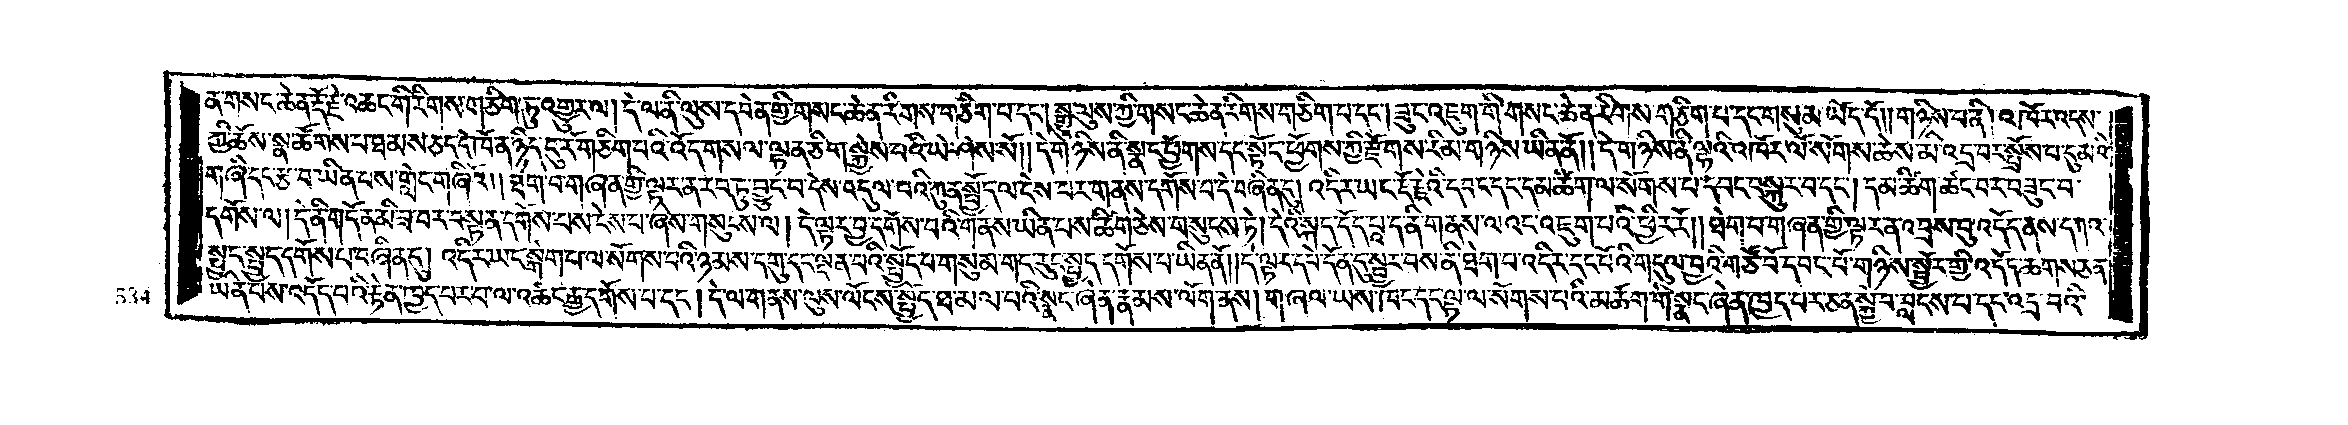ན་གསང་ཆེན་རྡོ་རྗེ་འཆང་གི་རིགས་གཅིག་ཏུ་འགྱུར་ལ། དེ་ལ་ནི་ལུས་དབེན་གྱི་གསང་ཆེན་རིགས་གཅིག་པ་དང་། སྒྱུ་ལུས་ཀྱི་གསང་ཆེན་རིགས་གཅིག་པ་དང་། ཟུང་འཇུག་གི་གསང་ཆེན་རིགས་གཅིག་པ་དང་གསུམ་ཡོད་དོ། །གཉིས་པ་ནི། འཁོར་འདས་
ཀྱི་ཆོས་སྣ་ཚོགས་པ་ཐམས་ཅད་དེ་ཁོ་ན་ཉིད་དུ་རོ་གཅིག་པའི་འོད་གསལ་ལྷན་ཅིག་སྐྱེས་པའི་ཡེ་ཤེས་སོ། །དེ་གཉིས་ནི་སྣང་ཕྱོགས་དང་སྟོང་ཕྱོགས་ཀྱི་རྫོགས་རིམ་གཉིས་ཡིན་ནོ། །དེ་གཉིས་ནི་ལྷའི་འཁོར་ལོ་སོགས་ཆེས་མི་འདྲ་བར་སྤྲོས་པ་དུ་མའི་
གཞི་དང་རྩ་བ་ཡིན་པས་གླེང་གཞིའོ། །ཐེག་པ་གཞན་གྱི་ལྟར་ན་རབ་ཏུ་བྱུང་བ་དེས་འདུལ་བའི་ཀུན་སྤྱོད་ལ་ངེས་པར་གནས་དགོས་པ་དེ་བཞིན་དུ། འདིར་ཡང་རྡོ་རྗེའི་དབང་དང་དམ་ཚིག་ལ་སོགས་པ་དབང་བསྐུར་བ་དང་། དམ་ཚིག་ཚང་བར་བཟུང་བ་
དགོས་ལ། དེ་ནི་གདོན་མི་ཟ་བར་བསྟན་དགོས་པས་ངེས་པ་ཞེས་གསུངས་ལ། དེ་ལྟར་བྱ་དགོས་པའི་གནས་ཡིན་པས་ཚིག་ཅེས་གསུངས་ཏེ། དེའི་སྐད་དོད་པཱ་ད་ནི་གནས་ལའང་འཇུག་པའི་ཕྱིར་རོ། །ཐེག་པ་གཞན་གྱི་ལྟར་ན་འབྲས་བུ་འདོད་ནས་དཀའ་
སྤྱད་སྤྱད་དགོས་པ་བཞིན་དུ། འདིར་ཡང་སྒེག་པ་ལ་སོགས་པའི་ཉམས་དགུ་དང་ལྡན་པའི་སྤྱོད་པ་གསུམ་གང་རུང་སྤྱད་དགོས་པ་ཡིན་ནོ། །དེ་ལྟར་དཔེ་དོན་དུ་སྦྱར་བས་ནི་ཐེག་པ་འདིར་དང་པོའི་གདུལ་བྱའི་གཙོ་བོ་དབང་པོ་གཉིས་སྦྱོར་གྱི་འདོད་ཆགས་ཅན་
ཡིན་པས་འདོད་པའི་རྟེན་ཁྱད་པར་པ་ལ་འཚང་རྒྱ་དགོས་པ་དང་། དེ་ལ་གནས་ལུས་ལོངས་སྤྱོད་ཐ་མལ་པའི་སྣང་ཞེན་རྣམས་ལོག་ནས། གཞལ་ཡས་ཁང་དང་ལྷ་ལ་སོགས་པའི་མཆོག་གི་སྣང་ཞེན་ཁྱད་པར་ཅན་སྐྱེ་བ་བླངས་པ་དང་འདྲ་བའི་